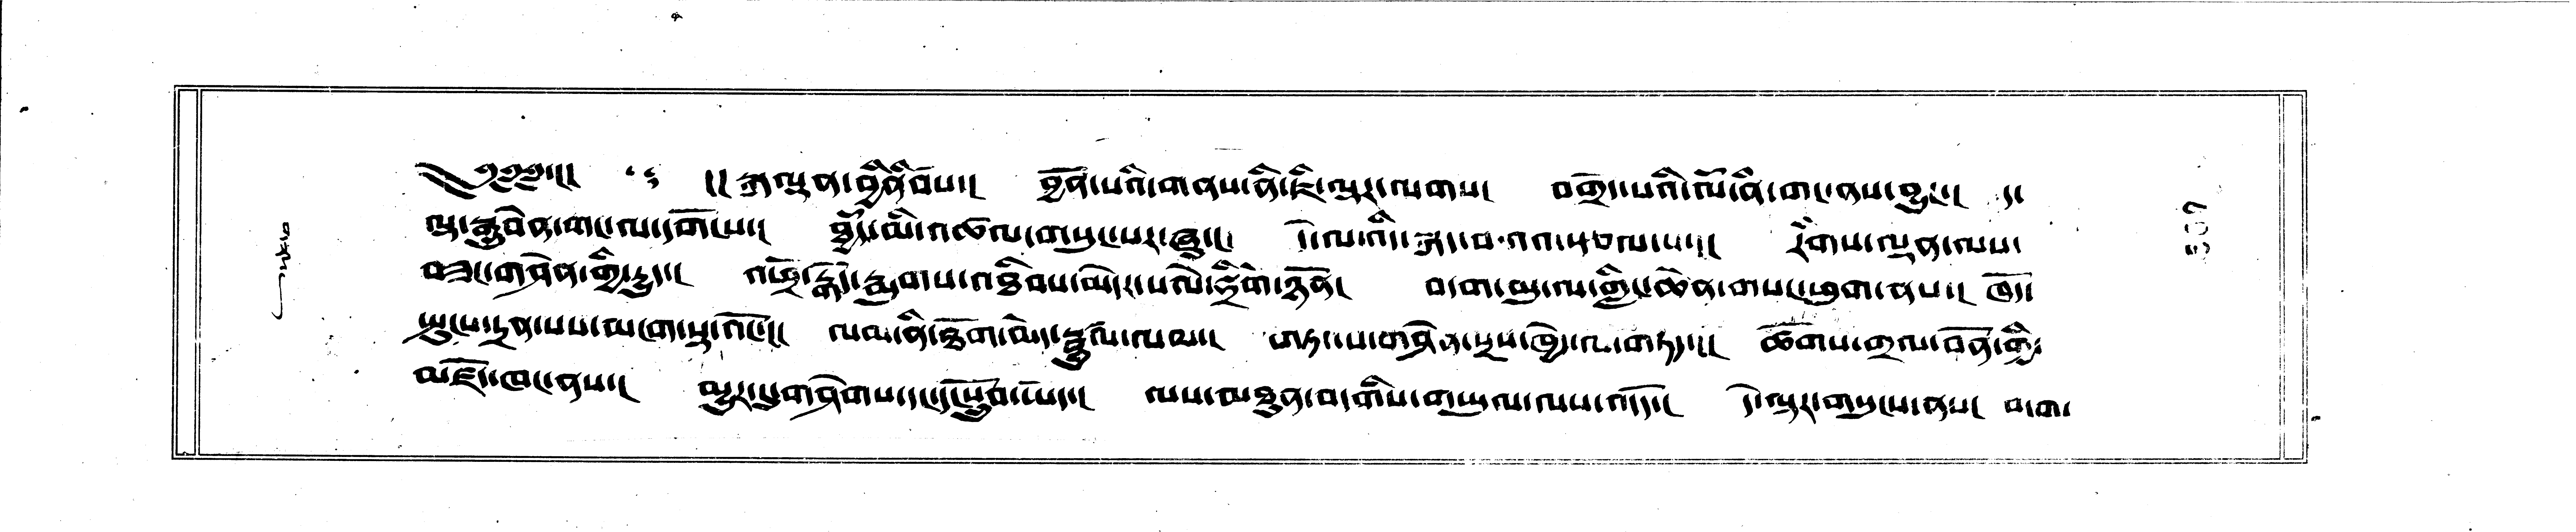སྐལ་ལྡན་བྱིན་གྱིས་རློབས། ཁྱེད་བྱོན་པའི་གནས་ནི་ཅི་ལྟར་ལགས། བསྒྲོད་པའི་ལམ་ནི་གང་ལ་བྱུང་། ད་
ལྟ་སྒྲུབ་གཤེན་གང་ལ་དགོངས། ཐུགས་དམ་རྒྱ་མི་འཚལ་གསུངས་པར་ཞུ། དེ་ལ་འདི་སྐད་བཀའ་སྩལ་པ། རིག་ལྡན་ལས་
ཟབ་གཤེན་གྱི་རྒྱུད། འཕྲོ་རྒོད་སྨུག་འཐིབ་མེད་པར་སལེ་ཧྲིག་གེ་ཉོན། བདག་ནི་མུ་ལ་གྱིང་ཆེན་གསང་ཕུག་ནས། ཁོད་
སྤྲུངས་དྲན་པས་མངག་སྟེ་འོང་། ལམ་ནི་ཐོགས་མེད་རྫུ་འཕྲུལ་ལམ། གཏད་ནི་གཤེན་སྲས་ཁྱོད་ལ་གཏད། ཚོགས་དྲལ་༼གྲལ༽བོན་གྱིས་
མཛོད་ཁང་ན། ལ་འུར་གཤེགས་དང་དངོས་གྲུབ་ཡོད། ལས་མཐུན་བདག་གིས་ཡིད་ལ་འདོང་། དེ་ལྟར་གསུངས་ནས། བདག་